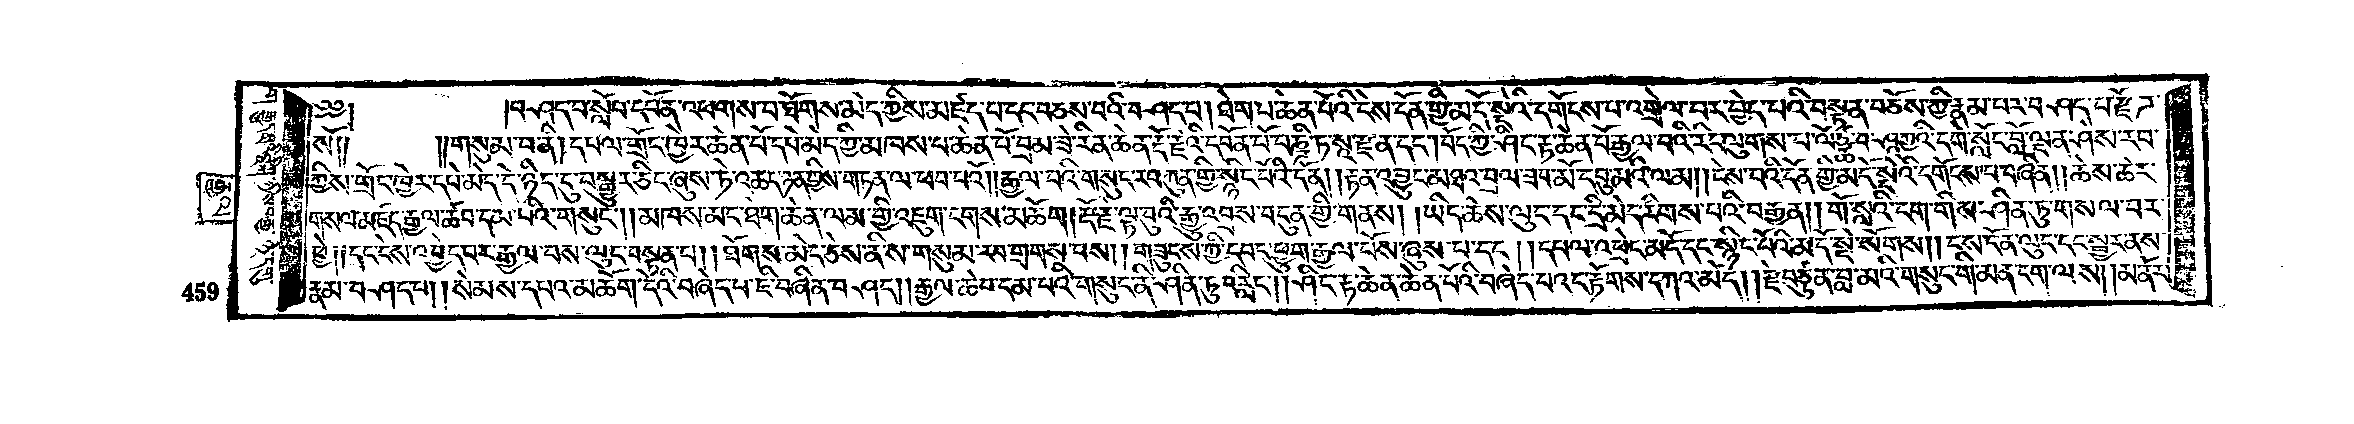༄༅། །བཤད་པ་སློབ་དཔོན་འཕགས་པ་ཐོགས་མེད་ཀྱིས་མཛད་པ་དང་བཅས་པའི་བཤད་པ། ཐེག་པ་ཆེན་པོའི་ངེས་དོན་གྱི་མདོ་སྡེའི་དགོངས་པ་འགྲེལ་པར་བྱེ་དཔའི་བསྟན་བཅོས་ཀྱིར་ནམ་པར་བཤད་པ་རྫོགས་
སོ།། །།གསུམ་པ་ནི། དཔལ་གྲོང་ཁྱེར་ཆེན་པོ་དཔེ་མེད་ཀྱི་མཁས་པ་ཆེན་པོ་བྲམ་ཟེ་རིན་ཆེན་རྡོ་རྗེའི་དབོང་པོ་པཎཌི་ཏ་སཱ་རྫ་ན་དང་། བོད་ཀྱི་ཤིང་རྟ་ཆེན་པོ་རྒྱལ་བའི་རིང་ལུགས་པ་ལོ་ཙྪ་བ་བ་ཤཱ་ཀྱའི་དགེ་སློང་བློ་ལྡན་ཤེས་རབ་
ཀྱིས་གྲོང་ཁྱེར་དཔེ་མེད་དེ་ཉིད་དུ་བསྒྱུར་ཅིང་ཞུས་ཏེ་འཆད་ཉན་གྱིས་གཏན་ལ་ཕབ་པའོ། །རྒྱལ་བའི་གསུང་རབ་ཀུན་གྱི་སྙིང་པོའི་དོན། །རྟན་འབྱུང་མཐའ་བྲལ་ཟབ་མོ་དབུ་མའི་ལས། ངེས་པའི་དོན་གྱི་མདོ་སྡེའི་དགོངས་པ་བཞིན། །ཆེས་ཆོས་ཆེར་
གསལ་མཛད་རྒྱལ་ཚབ་དམ་པའི་གསུང་། མཁས་མང་ཐེག་ཆེན་ལམ་གྱི་འཇུག་ངགས་མཆོག །རྡོ་རྗེ་ལྟ་བུའི་རྒྱུ་འབྲས་བདུན་གྱི་གནས། །ཡིད་ཆེས་ལུང་དང་དྲི་མེད་རིགས་པའི་བརྒྱན། །གོ་སླའི་ངག་གིས་ཤིན་ཏུ་གསལ་བར་
ཕྱེ༑ ༑དང་ངེས་འབྱེད་པར་རྒྱལ་བས་ལུང་བསྟན་པ། །ཐོགས་མེད་ཅེས་ནི་ས་གསུམ་རབ་གྲགས་པས། །གཟུངས་ཀྱི་དབང་ཕྱུག་རྒྱལ་པོས་ཞུས་པ་དང་། །དཔལ་འཕྲེང་མདོ་དང་སྙིང་པོའི་མདོ་སྡེ་སོགས། །ངས་དོན་ལུང་དང་སྦྱར་ནས་
རྣམ་བཤད་པ། །སེམས་དཔའ་མཆོག་དེའི་བཞེད་པ་ཇི་བཞིན་བཤད། །རྒྱལ་ཆེ་བ་དམ་པའི་གསུང་ནི་ཤིན་ཏུ་བརླིང་། །ཤིང་རྟ་ཆེན་ཆེན་པོའི་བཞེད་པའང་རྟོགས་དཀའ་མེད། །རྗེ་བཙུན་བླ་མའི་གསུང་གི་མན་ངག་ལས། །མ་ནོར་